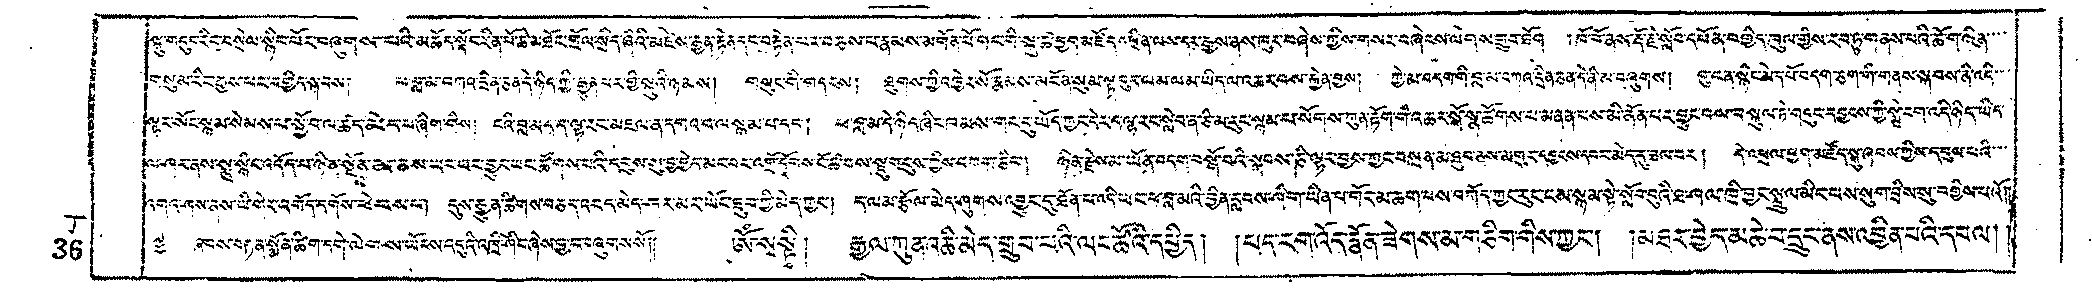སྐུ་གདུང་རིང་བསྲེལ་སྙིང་པོར་བཞུགས་པའི་མཆོད་སྡོང་རིན་པོ་ཆེ་མཐོང་གྲོལ་སྲིད་ཞིའི་མཛེས་རྒྱན་རྟེན་དང་བརྟེན་པར་བཅས་པ་རྣམས་མགོན་པོ་གང་གི་སྐུ་ཚ་ཕྱག་མཛོད་འཕྲིན་ལས་དར་རྒྱས་ནས་ཁུར་བཞེས་ཀྱིས་གསར་བཞེངས་ལེགས་གྲུབ་ཐོག །ཁོ་བོ་ནས་རྡོ་རྗེ་སློབ་དཔོན་བགྱིད་ཁུལ་གྱིས་རབ་ཏུ་གནས་པའི་ཆོ་ག་ཉིན་་་
གསུམ་རིང་རྒྱས་པར་བགྱིད་སྐབས། ཕ་བླ་མ་བཀའ་དྲིན་ཅན་དེ་ཉིད་ཀྱི་རྒྱུན་པར་གྱི་སྐུའི་ཉམས། གསུང་གི་གདངས། ཐུགས་ཀྱི་འཁྱེར་སོ་རྣམས་མངོན་སུམ་ལྟ་བུར་ལམ་ལམ་ཡིད་ལ་འཆར་བས་རྐྱེན་བྱས། ཀྱེ་མ་བདག་གི་བླ་མ་བཀའ་དྲིན་ཅན་དེ་ནི་མ་བཞུགས། བུ་ངན་སྙིང་མེད་པོ་བདག་ཅག་གི་གནས་སྐབས་ནི་འདི་་་
ལྟར་སོང་སྙམ་སེམས་པ་སྐྱོ་བ་ལ་ཚད་མེད་པ་ཞིག་གིས། ངའི་བླ་མ་ད་ད་ལྟ་རང་མཇལ་ན་དགའ་བ་ལ་སྙམ་པ་དང་། ཕ་བླ་མ་དེ་ཉིད་ཞིང་ཁམས་གང་དུ་ཡོད་ཀྱང་དེར་ད་ལྟ་རང་སླེབ་ན་ཅི་མ་རུང་སྙམ་པ་སོགས་ཀུན་རྟོག་གི་འཆར་སྒོ་སྣ་ཚོགས་པ་མནན་པས་མི་ནོན་པར་བྱུང་བས་བསྐུལ་ཏེ་གདུང་དབྱངས་ཀྱི་སྨྲེ་ངག་འདི་ཉིད་ཡིད་
ལ་ཤར་ནས་སྨྲ་སྙིང་འདོད་པ་ཉིན་སྔོན་མ་ནས་ཡང་ཡང་བྱུང་ཡང་ཚོགས་པའི་དབུས་སུ་བྱ་བྱེད་མང་བར་འགྲོ་དྭོགས་ངོ་ཚ་བས་སྡུག་རུས་ཀྱིས་བཀག་ཅིང་། ཉིན་རྗེས་མ་ཡོན་བདག་བསྒོ་བའི་སྐབས་ཎི་ལྟར་བྱས་ཀྱང་བསྲན་མ་ཐུབ་ནས་མགུར་དབྱངས་དབང་མེད་དུ་ཐལ་བར། དེ་འཕྲལ་ཕྱག་མཛོད་སྐུ་ཞབས་ཀྱིས་དབུས་པའི་་་
འགའ་ཤས་ནས་ཡི་གེར་འགོད་དགོས་ཕེབས་པ། དུས་རྒྱུན་ཚིགས་བཅད་འབད་མེད་ཤར་མར་ཡོང་ཐུག་ཀྱི་མེད་ཀྱང་། ད་ལམ་རྩོལ་མེད་ཤུགས་འབྱུང་དུ་ཐོན་པ་འདི་ཡང་ཕ་བླ་མའི་བྱིན་རླབས་ཤིག་ཡིན་པ་གོར་མ་ཆག་པས་བཀོད་ཀྱང་རུང་ངམ་སྙམ་སྟེ་སློབ་བུའི་ཐ་ཤལ་ཁྲི་བྱང་སྤྲུལ་མིང་པས་སུག་བྲིས་སུ་བགྱིས་པའོ།།
འ་ཞབས་བརྟན་སྨོན་ཚིག་དགེ་ལེགས་ཡོངས་འདུའི་འཁྲི་ཤིང་ཞེས་བྱ་བ་བཞུགས་སོ།། ཨོཾ་སྭསྟྭི། རྒྱལ་ཀུན་འཆི་མེད་གྲུབ་པའི་ལང་ཚོའི་དཔྱིད། །པད་རག་འོད་རྣོན་ཟེགས་མ་གཅིག་གིས་ཀྱང་། །མཐར་བྱེད་མཆེ་བ་དྲུང་ནས་འབྱིན་པའི་དཔལ། །